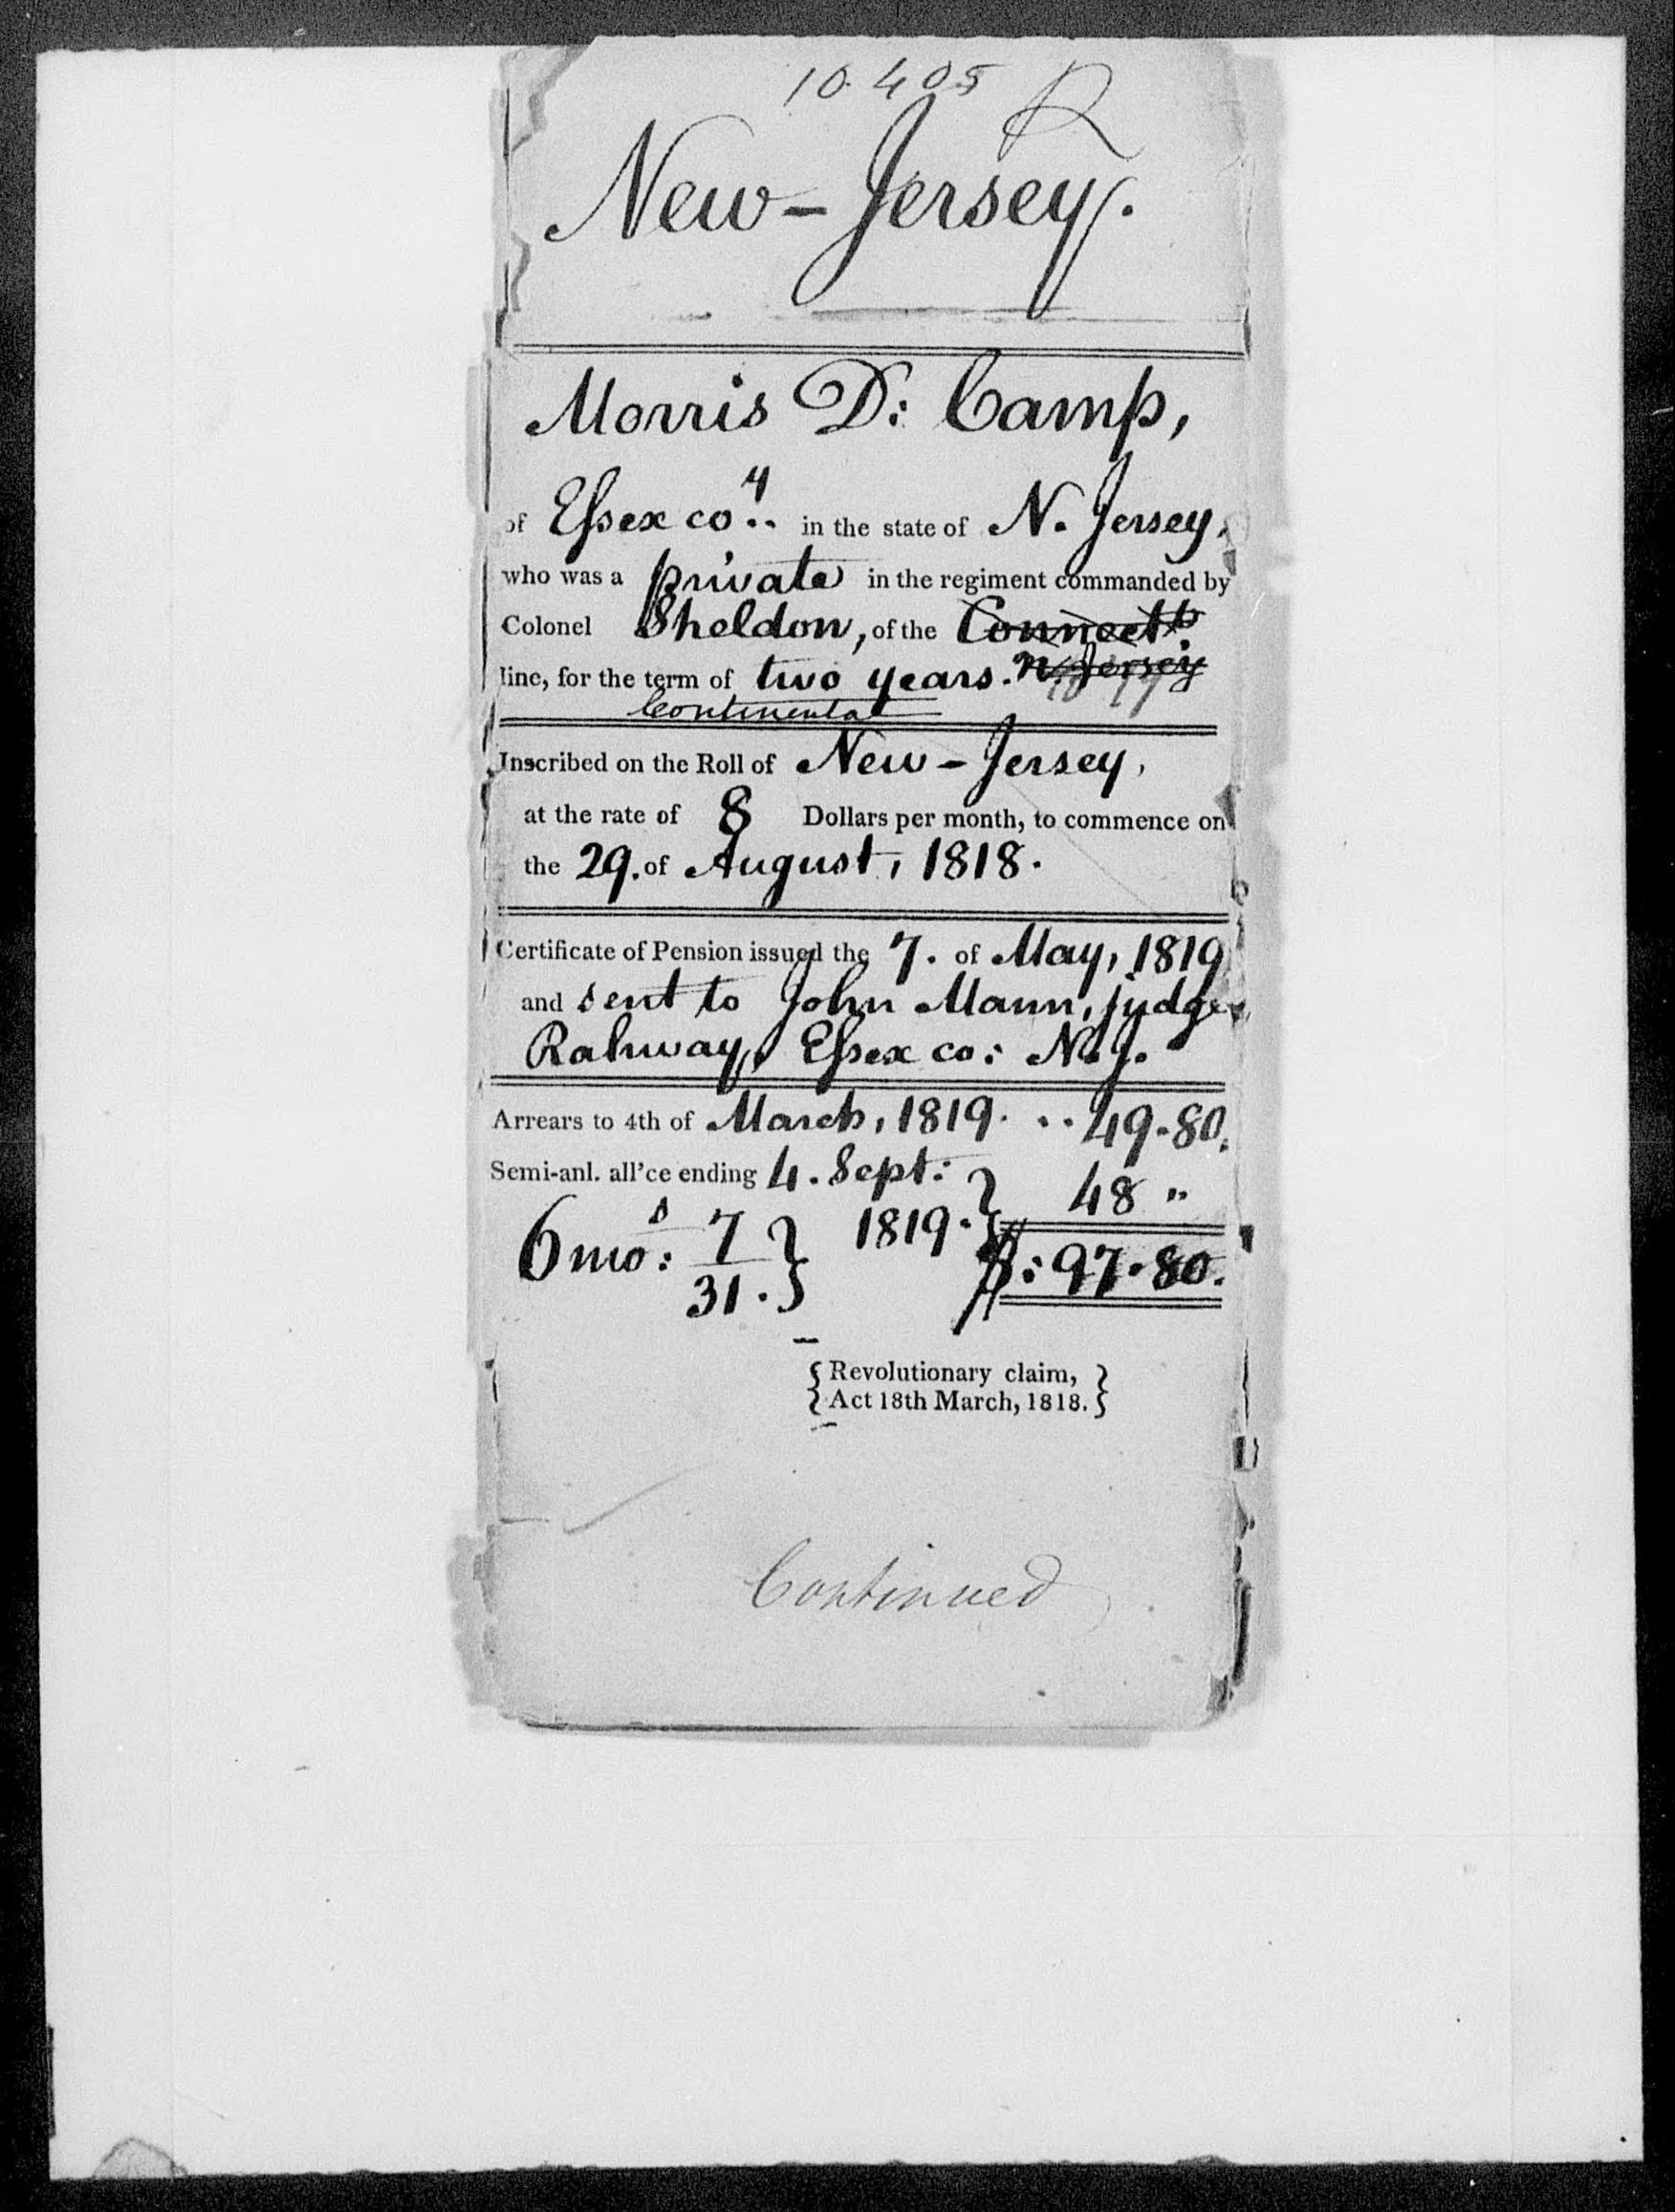10405
New-Jersey
-------------------------
Morris De Camp,
of Essex co in the State of N. Jersey,
who was a private in the regiment commanded by Colonel Sheldon, of the ['Connect't' and 'N. Jersey' crossed out] Continental line, for the term of two years.
--------------------------
Inscribed on the Roll of New-Jersey,
at the rate of 8 Dollars per month, to commence on the 29th of August, 1818.
--------------------------
Certificate of Pension issued the 7. of May, 1819
and sent to John Mann, Judge
Rahway, Essex co. N.J.
--------------------------
Arrears to 4th of March, 1819.             49.80
Semi-anl. all'ce ending 4. Sept. 1819   48.0
6 mo: 7/31 }                                           ______
                                                               $97.80.

{Revolutionary claim, }
{Act 18th March, 1818.}

Continued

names: John Mann, Morris D Camp, Sheldon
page: 2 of 52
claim: survivor's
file: S. 34172, Morris D Camp, Continental (New Jersey)